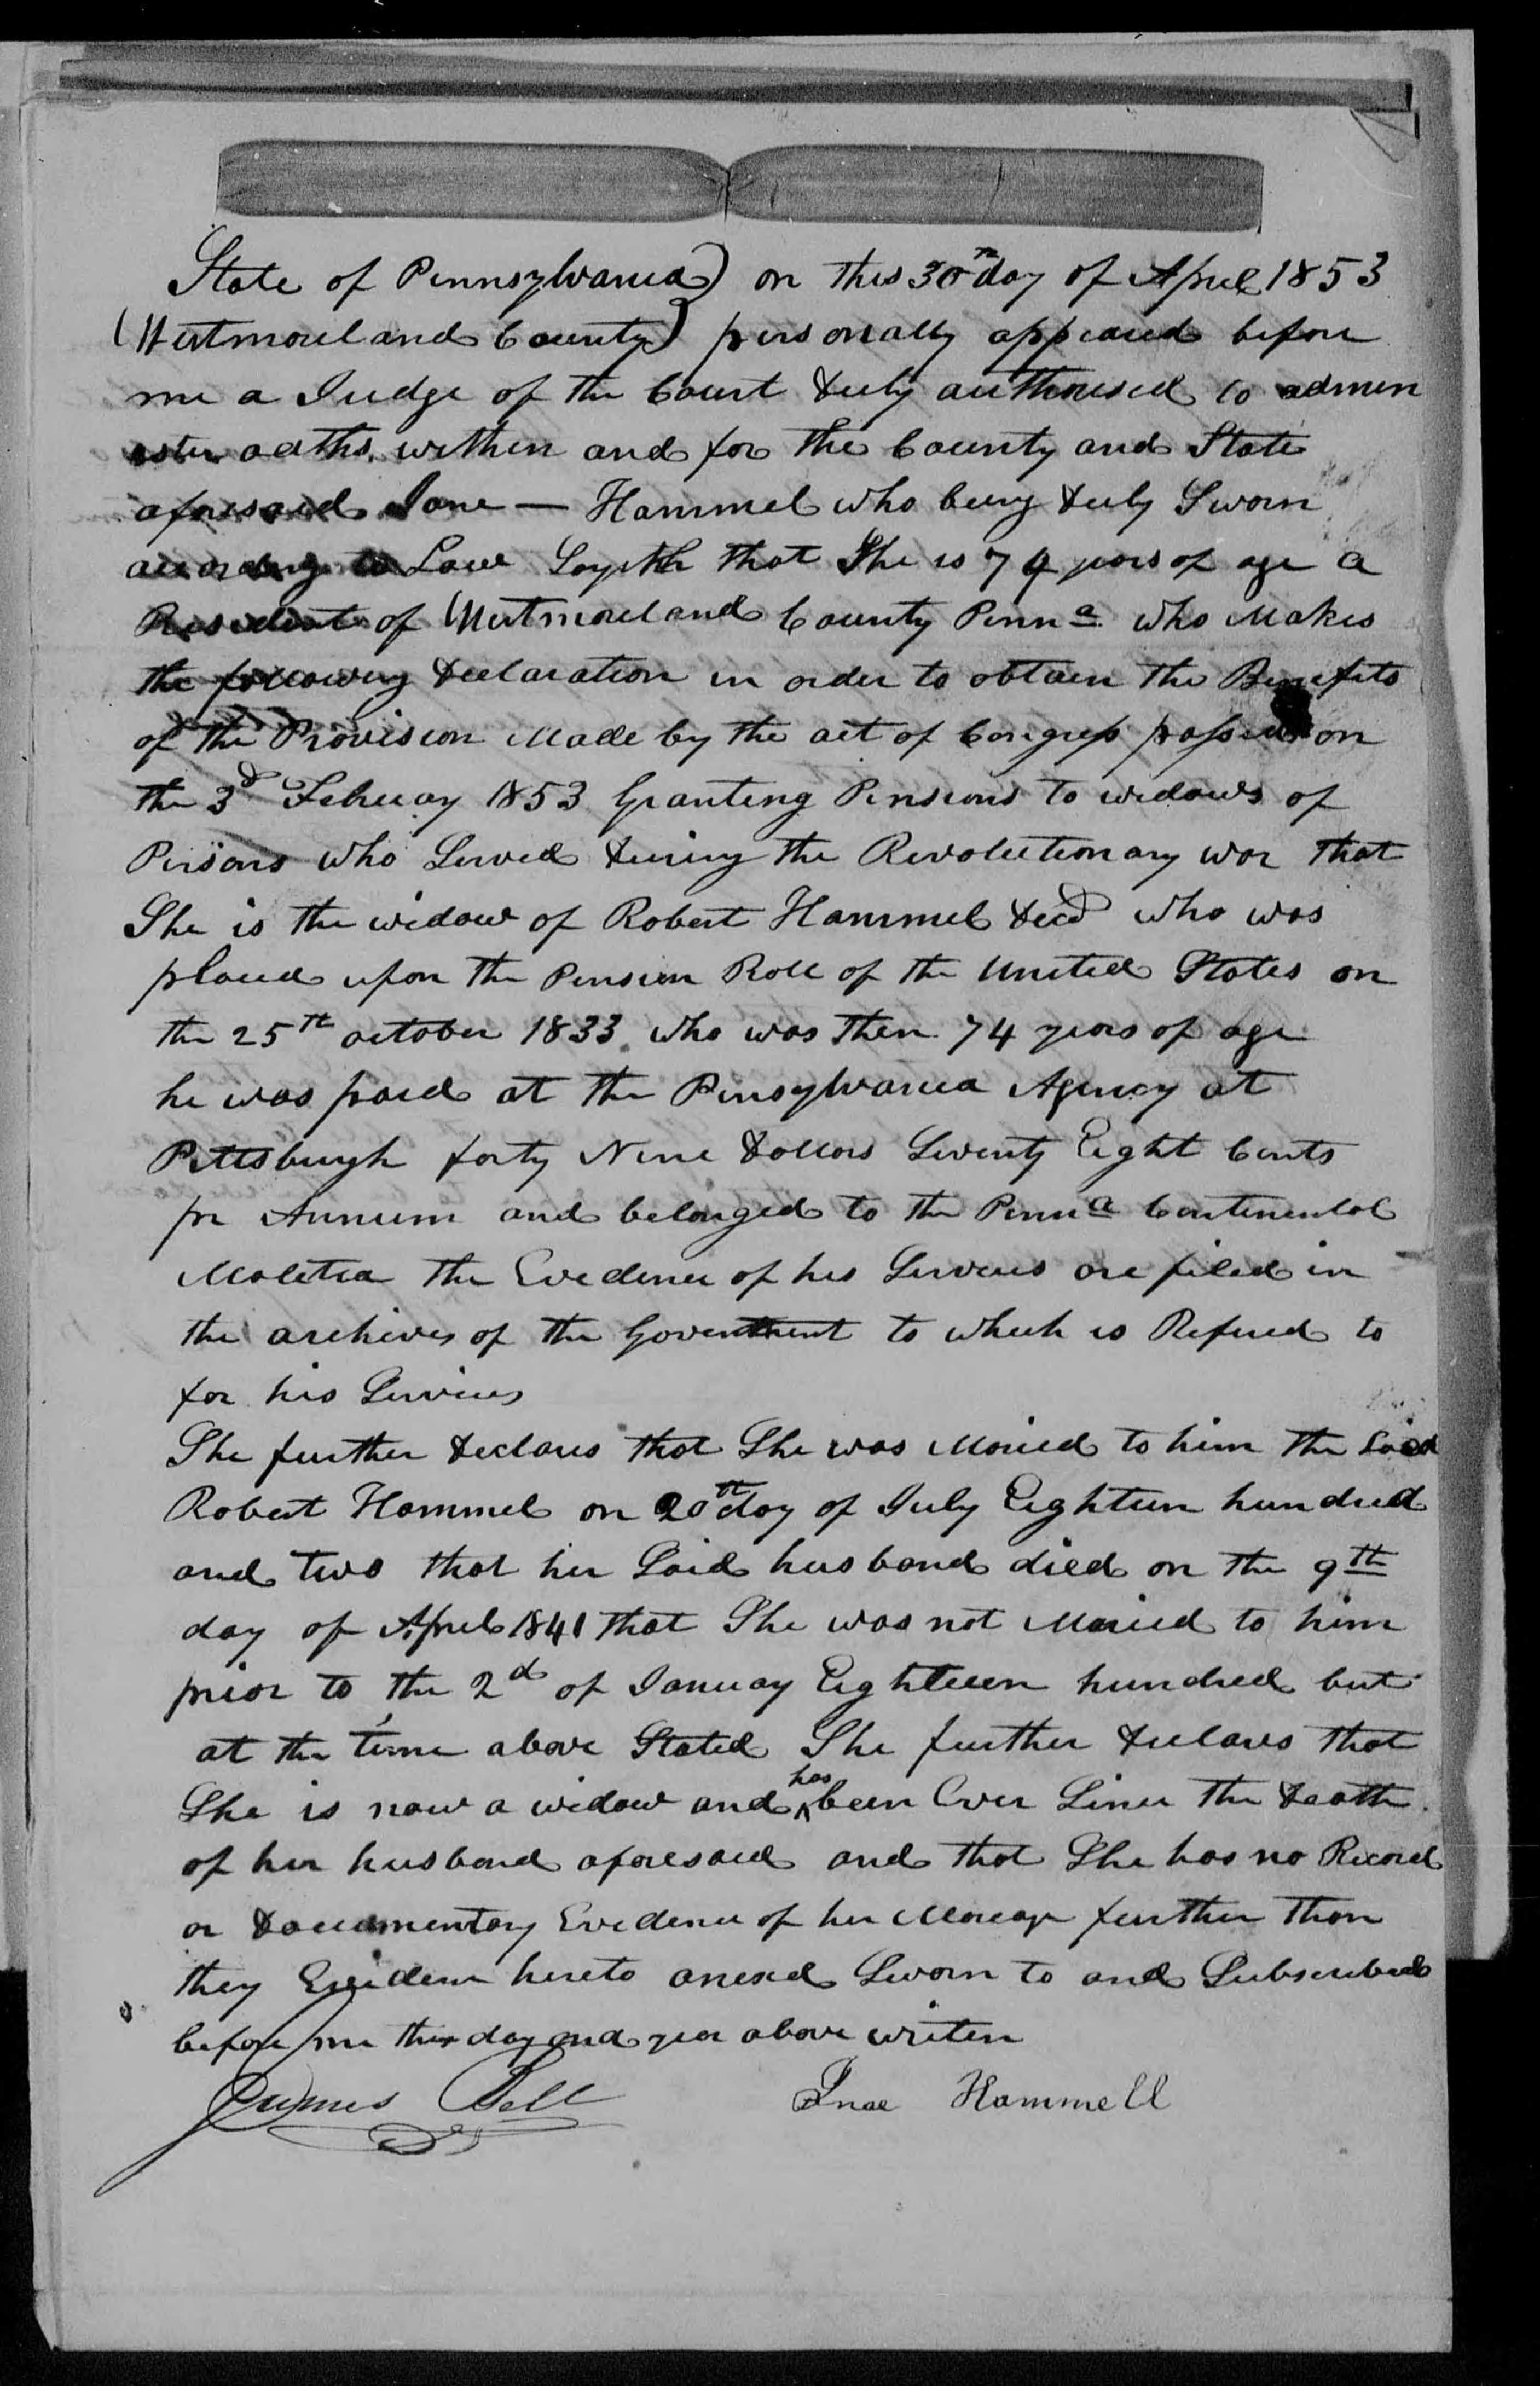State of Pennsylvania on this 30th day of April 1853 (Westmoreland County) personally appeared before me a Judge of the Court duly authorized to admin within and for the County and State  aforesaid Inae Hammill who being duly sworn _____ ___ that she 74 years of age a resident of Westmoreland County Penna who makes the following declaration in order to obtain the benefits of the pension made by the act of Congress papers on 3rd February 1853 granting pensions to widows of persons who served during the Revolutionary  war that she is the widow of Robert Hammell ____ who was placed upon the pension roll of the United States on the 25th October 1833 who was then 74 years of age he was paid at the Pennsylvania Agency at Pittsburgh forty-nine dollars seventy-eight cents per annum and belonged to the Penna Continental Militia the evidences of his service are filed in the archives of the government to which is ____ to for his _____.

She further declares that she was married to him the said Robert Hammell on 20th day of July eighteen hundred and two that her said husband died on the 9th day of April 1841 that she was not ____ to him prior to the 2nd of January eighteen hundred but at the time above stated she further ___ that she is now a widow and has been ever since the death of her husband aforesaid and that she has no record or documentary evidence of her claim further than they evidence hereto ____ sworn to and subscribed before me this day and year above written.
James Bell     Signature: Inae Hammell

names: James Bell, Robert Hammel, Jane Hammel, Inae Hammell, Robert Hammel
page: 16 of 92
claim: widow's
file: W 1173, Robert Hamill, Penn.